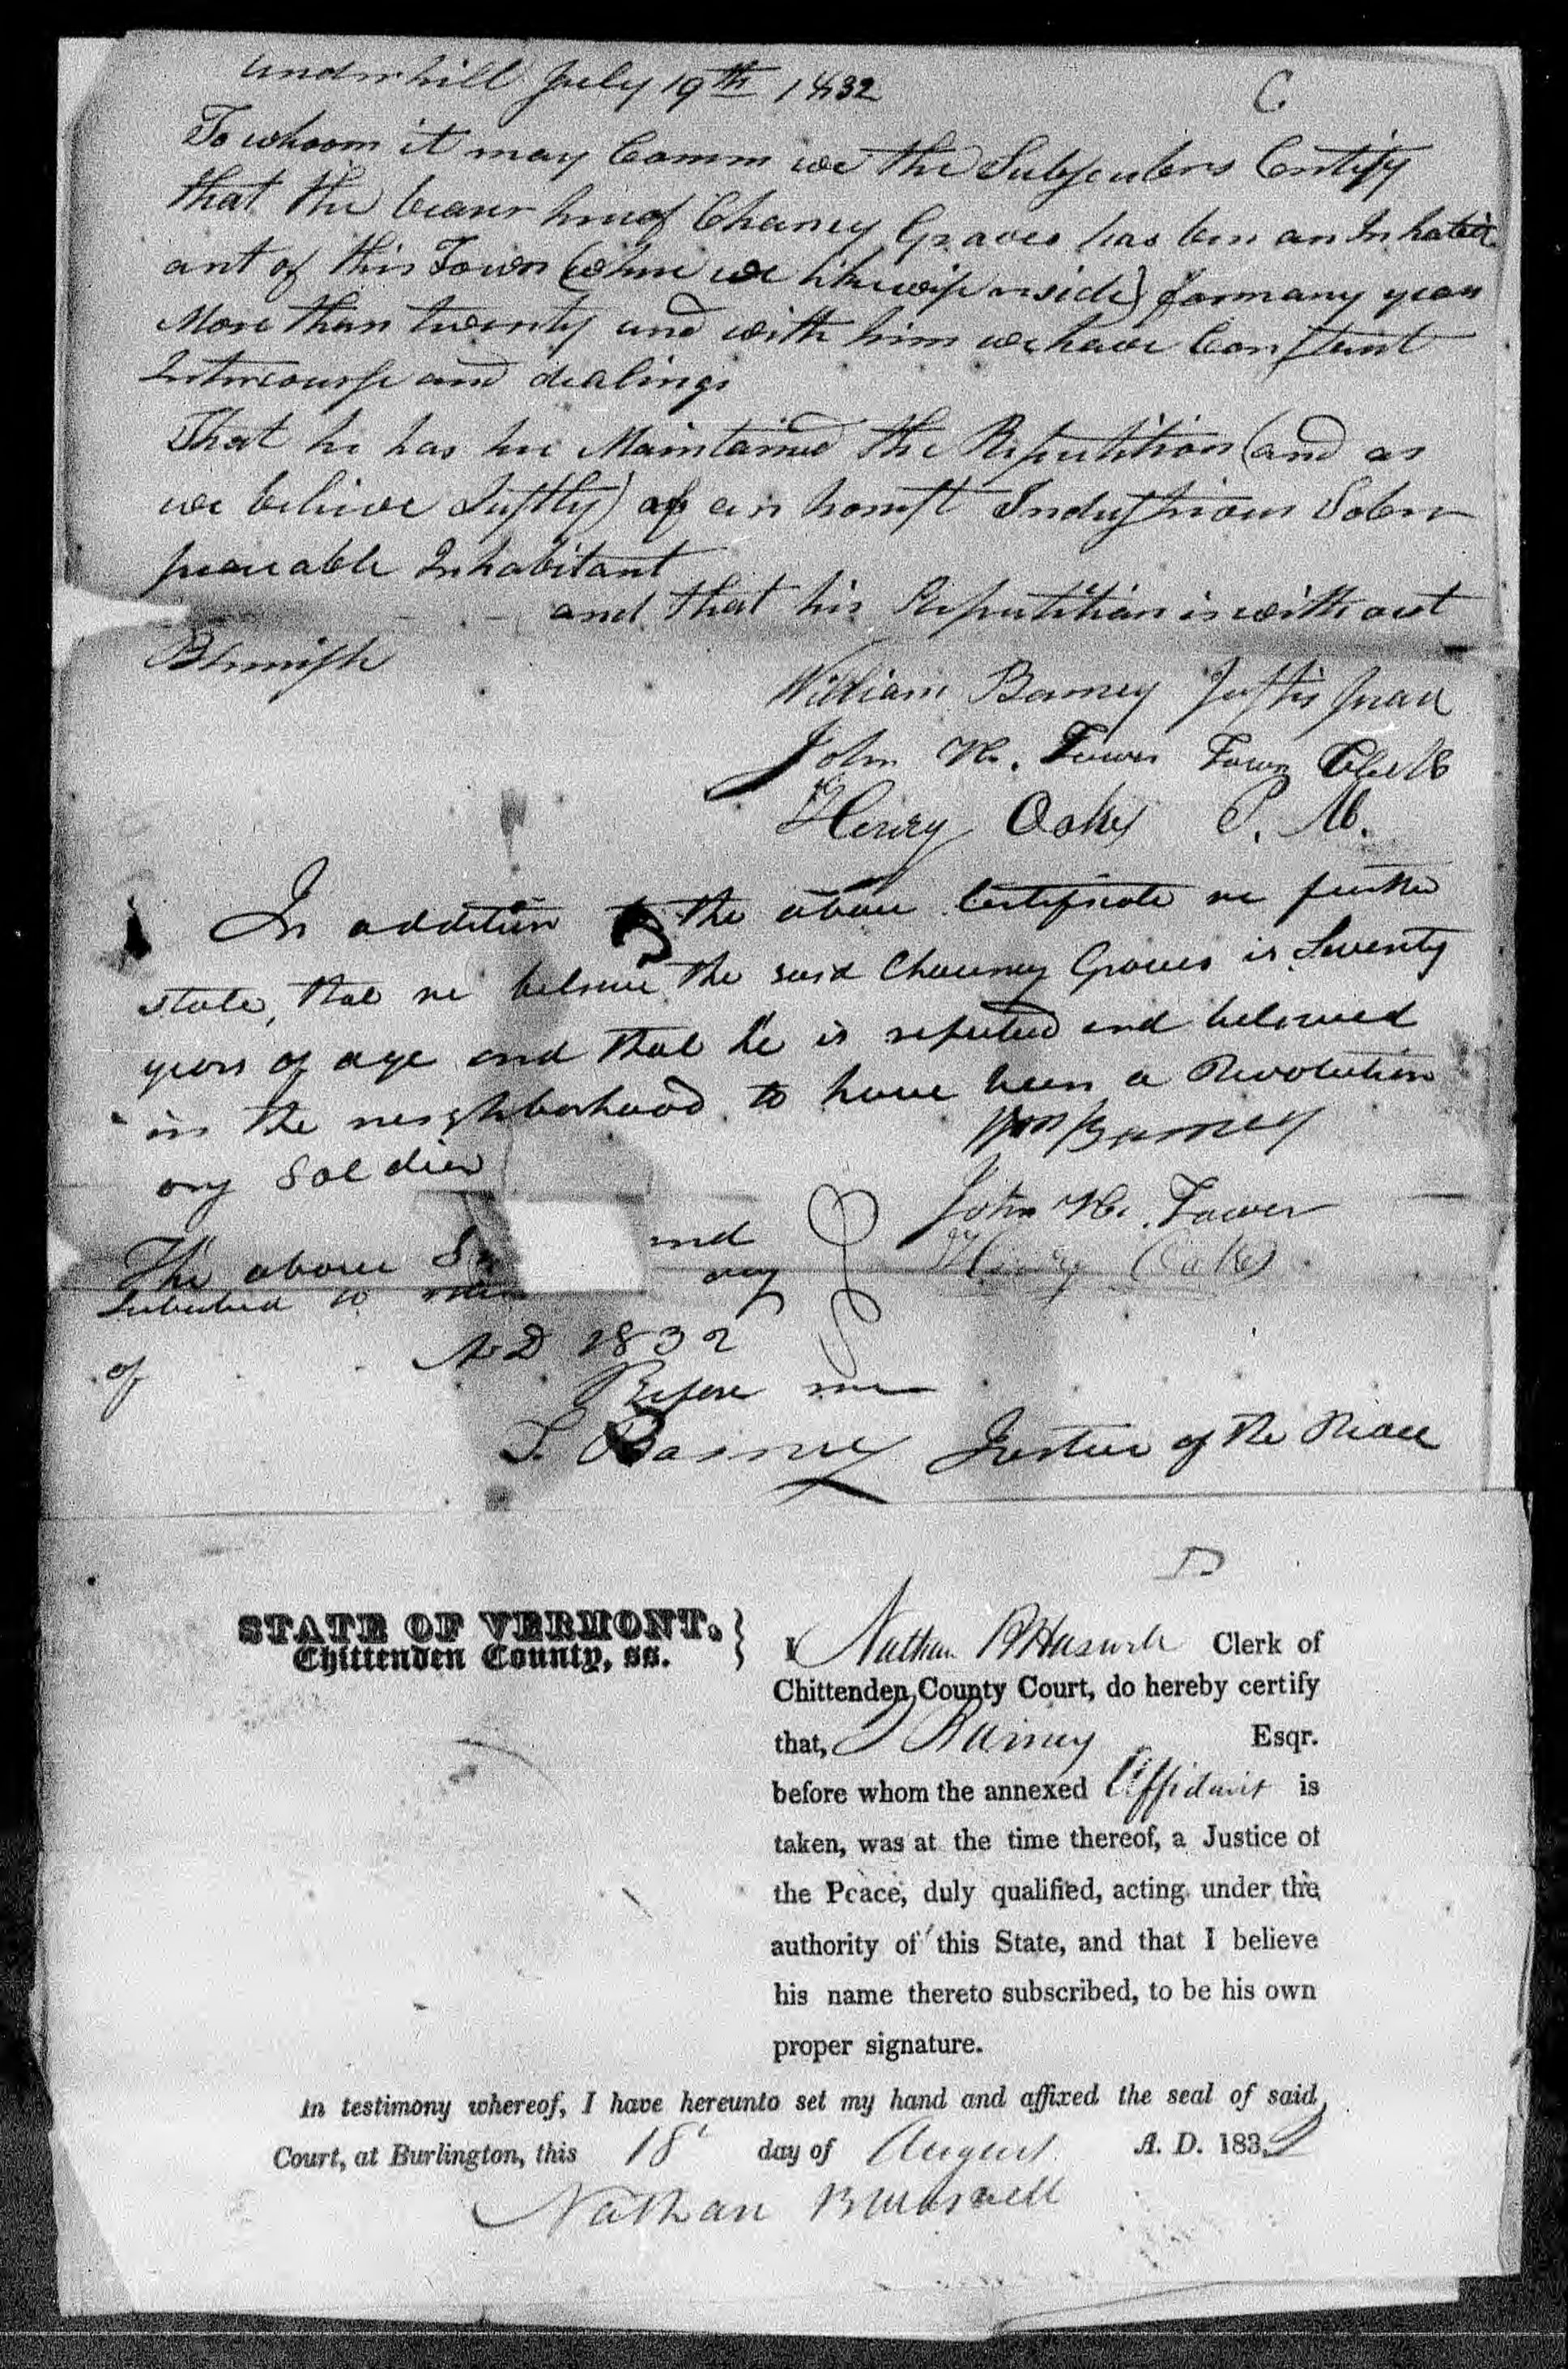Underhill July 19th 1832
To whom it may Concern we the  the subscribers Certify
that the bearer hereof Chancy Graves has been an Inhabitant of this Town(where we likewise reside) for many years
More than twenty and with him we have constant
Intercourse and dealings.
That he has her maintained the Reputation (and as
we believe Justly) of an honest industrious, Sober
peaceable inhabitant
and that his reputation is without blemish.
William Barney Justice of the peace
John H. Tower Town Clerk
Henry Oakes P.M.
In addition to the above certificate be further
state that we believe the said Chauncey Groves is seventy
years of age and that he is reputed and believed
in the neighborhood to have been a Revolutionary soldier.
William Barney
John H. Tower
Henry Oakes
The above sworn and subscribed to this [illegible] day of ___AD 1832 before me
J. Barney Justice of the Peace
STATE OF VERMONT
Chittenden County, SS.
Nathan B Haswell Clerk of
Chittenden, County Court, do hereby certify
That J. Barney Esquire
before whom the annexed Affidavit is
taken, was at the time thereof, a Justice of
the Peace, duly qualified, acting under the
authority of this State, and that I believe
his name thereto subscribed, to be his own
proper signature.
in testimony whereof, I have hereunto set my hand and affixed the seal of said
Court, at Burlington, this 18th day of August A. D. 1831
Nathan B. Maxwell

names: Chancy Graves, S Barnes, John H Tower, Nathan B Maswell, Henry Oakes, William Barney, Chauncy Graves, Nathan B Haswell, Wm Barney, John H Tower, Henry Oakes, J Barney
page: 21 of 24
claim: survivor's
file: S. 15869, Chauncey Graves, Vt.